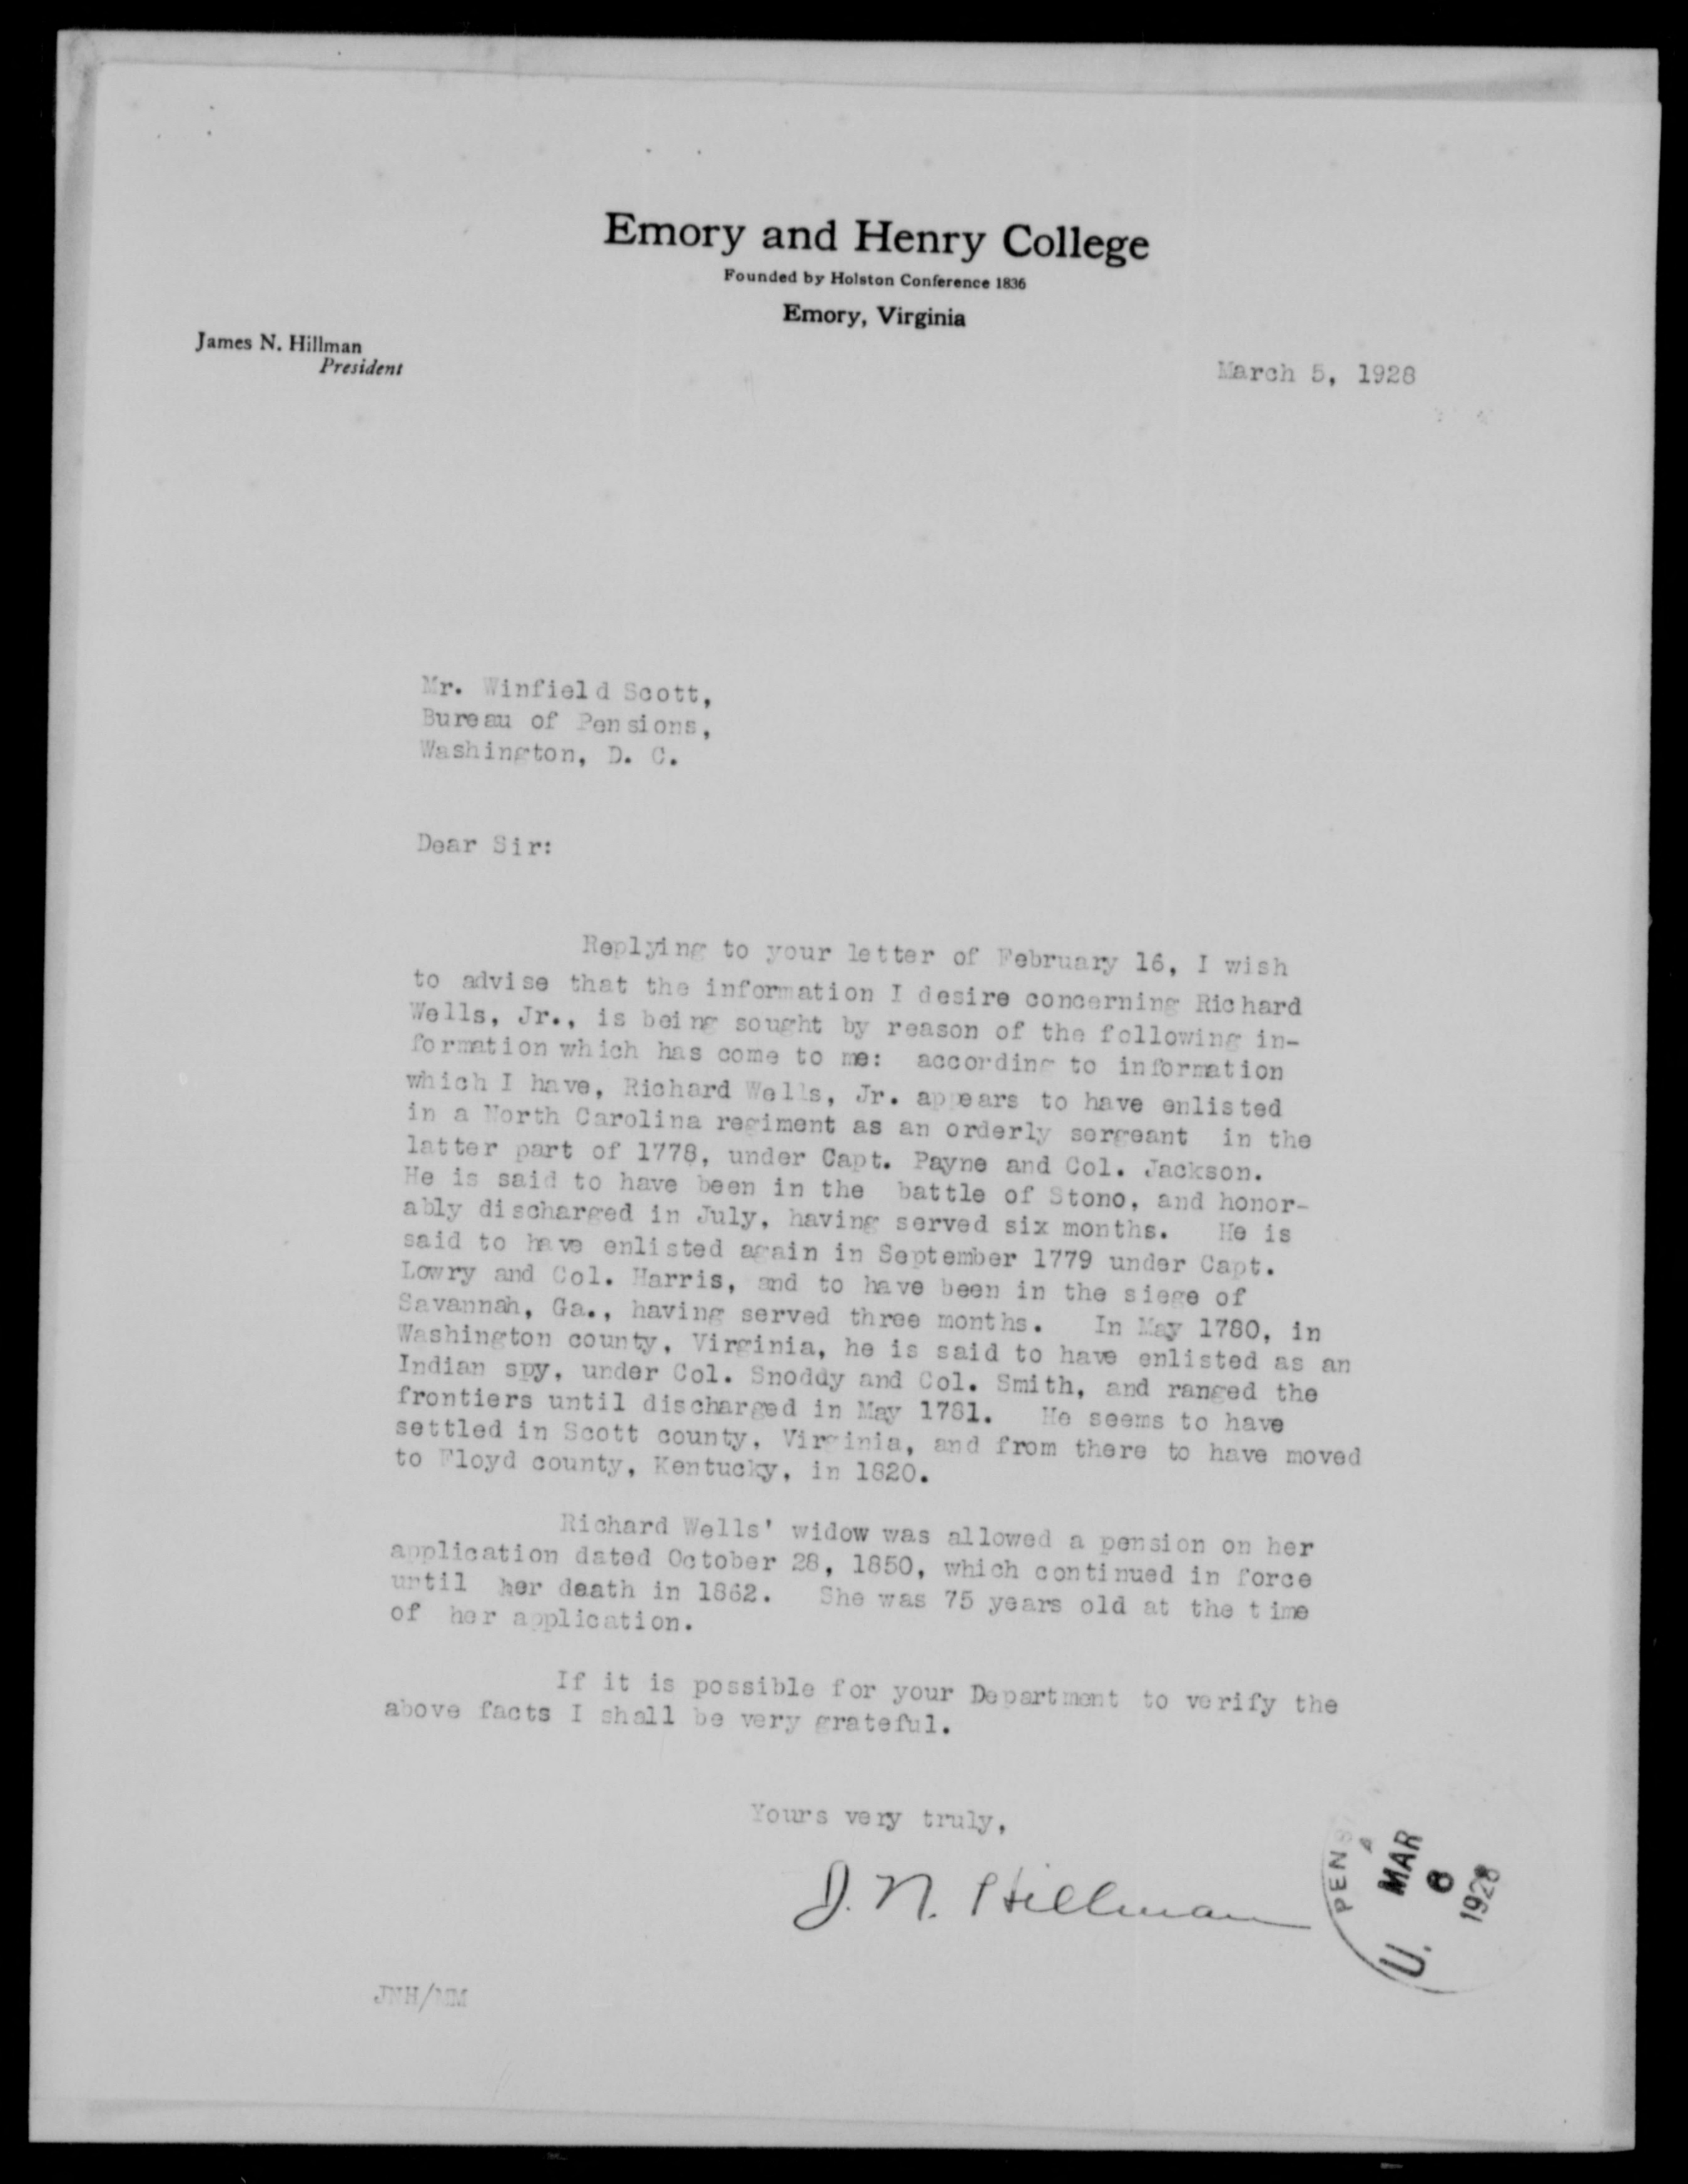#86
Emory and Henry College
Founded by Holston Conference 1836
Emory, Virginia
James N. Hillman
President
March 5, 1928

Mr. Winfield Scott,
Bureau of Pensions,
Washington, D. C.

Dear Sir:
Replying to your letter of February 16, I wish
to advise that the information I desire concerning Richard
Wells, Jr., is being sought by reason of the following information
which has come to me: according to information
which I have, Richard Wells, Jr. appears to have enlisted
in a North Carolina regiment as an orderly sergeant in the
latter part of 1778, under Capt. Payne and Col. Jackson.
He is said to have been in the battle of Stono, and honorably
discharged in July, having served six months. He is
said to have enlisted again in September 1779 under Capt.
Lowry and Col. Harris, and to have been in the siege of
Savannah, Ga., having served three months. In May 1780, in
Washington county, Virginia, he is said to have enlisted as an
Indian spy, under Col. Snoddy and Col. Smith, and ranged the
frontiers until discharged in May 1781. He seems to have
settled in Scott county, Virginia, and from there to have moved to
Floyd County, Kentucky, in 1820.
Richard Wells' widow was allowed a pension on her
application dated October 28, 1850, which continued in force
until her death in 1862. She was 75 years old at the time
of her application.
If it is possible for your Department to verify the
above facts I shall be very grateful.

Yours very truly,
J. N. Hillman

JNH/MM

[circle stamp-RIght margin]
PENSION OFFICE U S
MAR 6 1928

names: Snoddy, Winfield Scott, James N Hillman, Richard Wells, Payne, Lowry, Jackson, Harris, J N Hillman, Smith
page: 86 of 100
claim: widow's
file: W. 6437, Richard Wells, Ga Va.